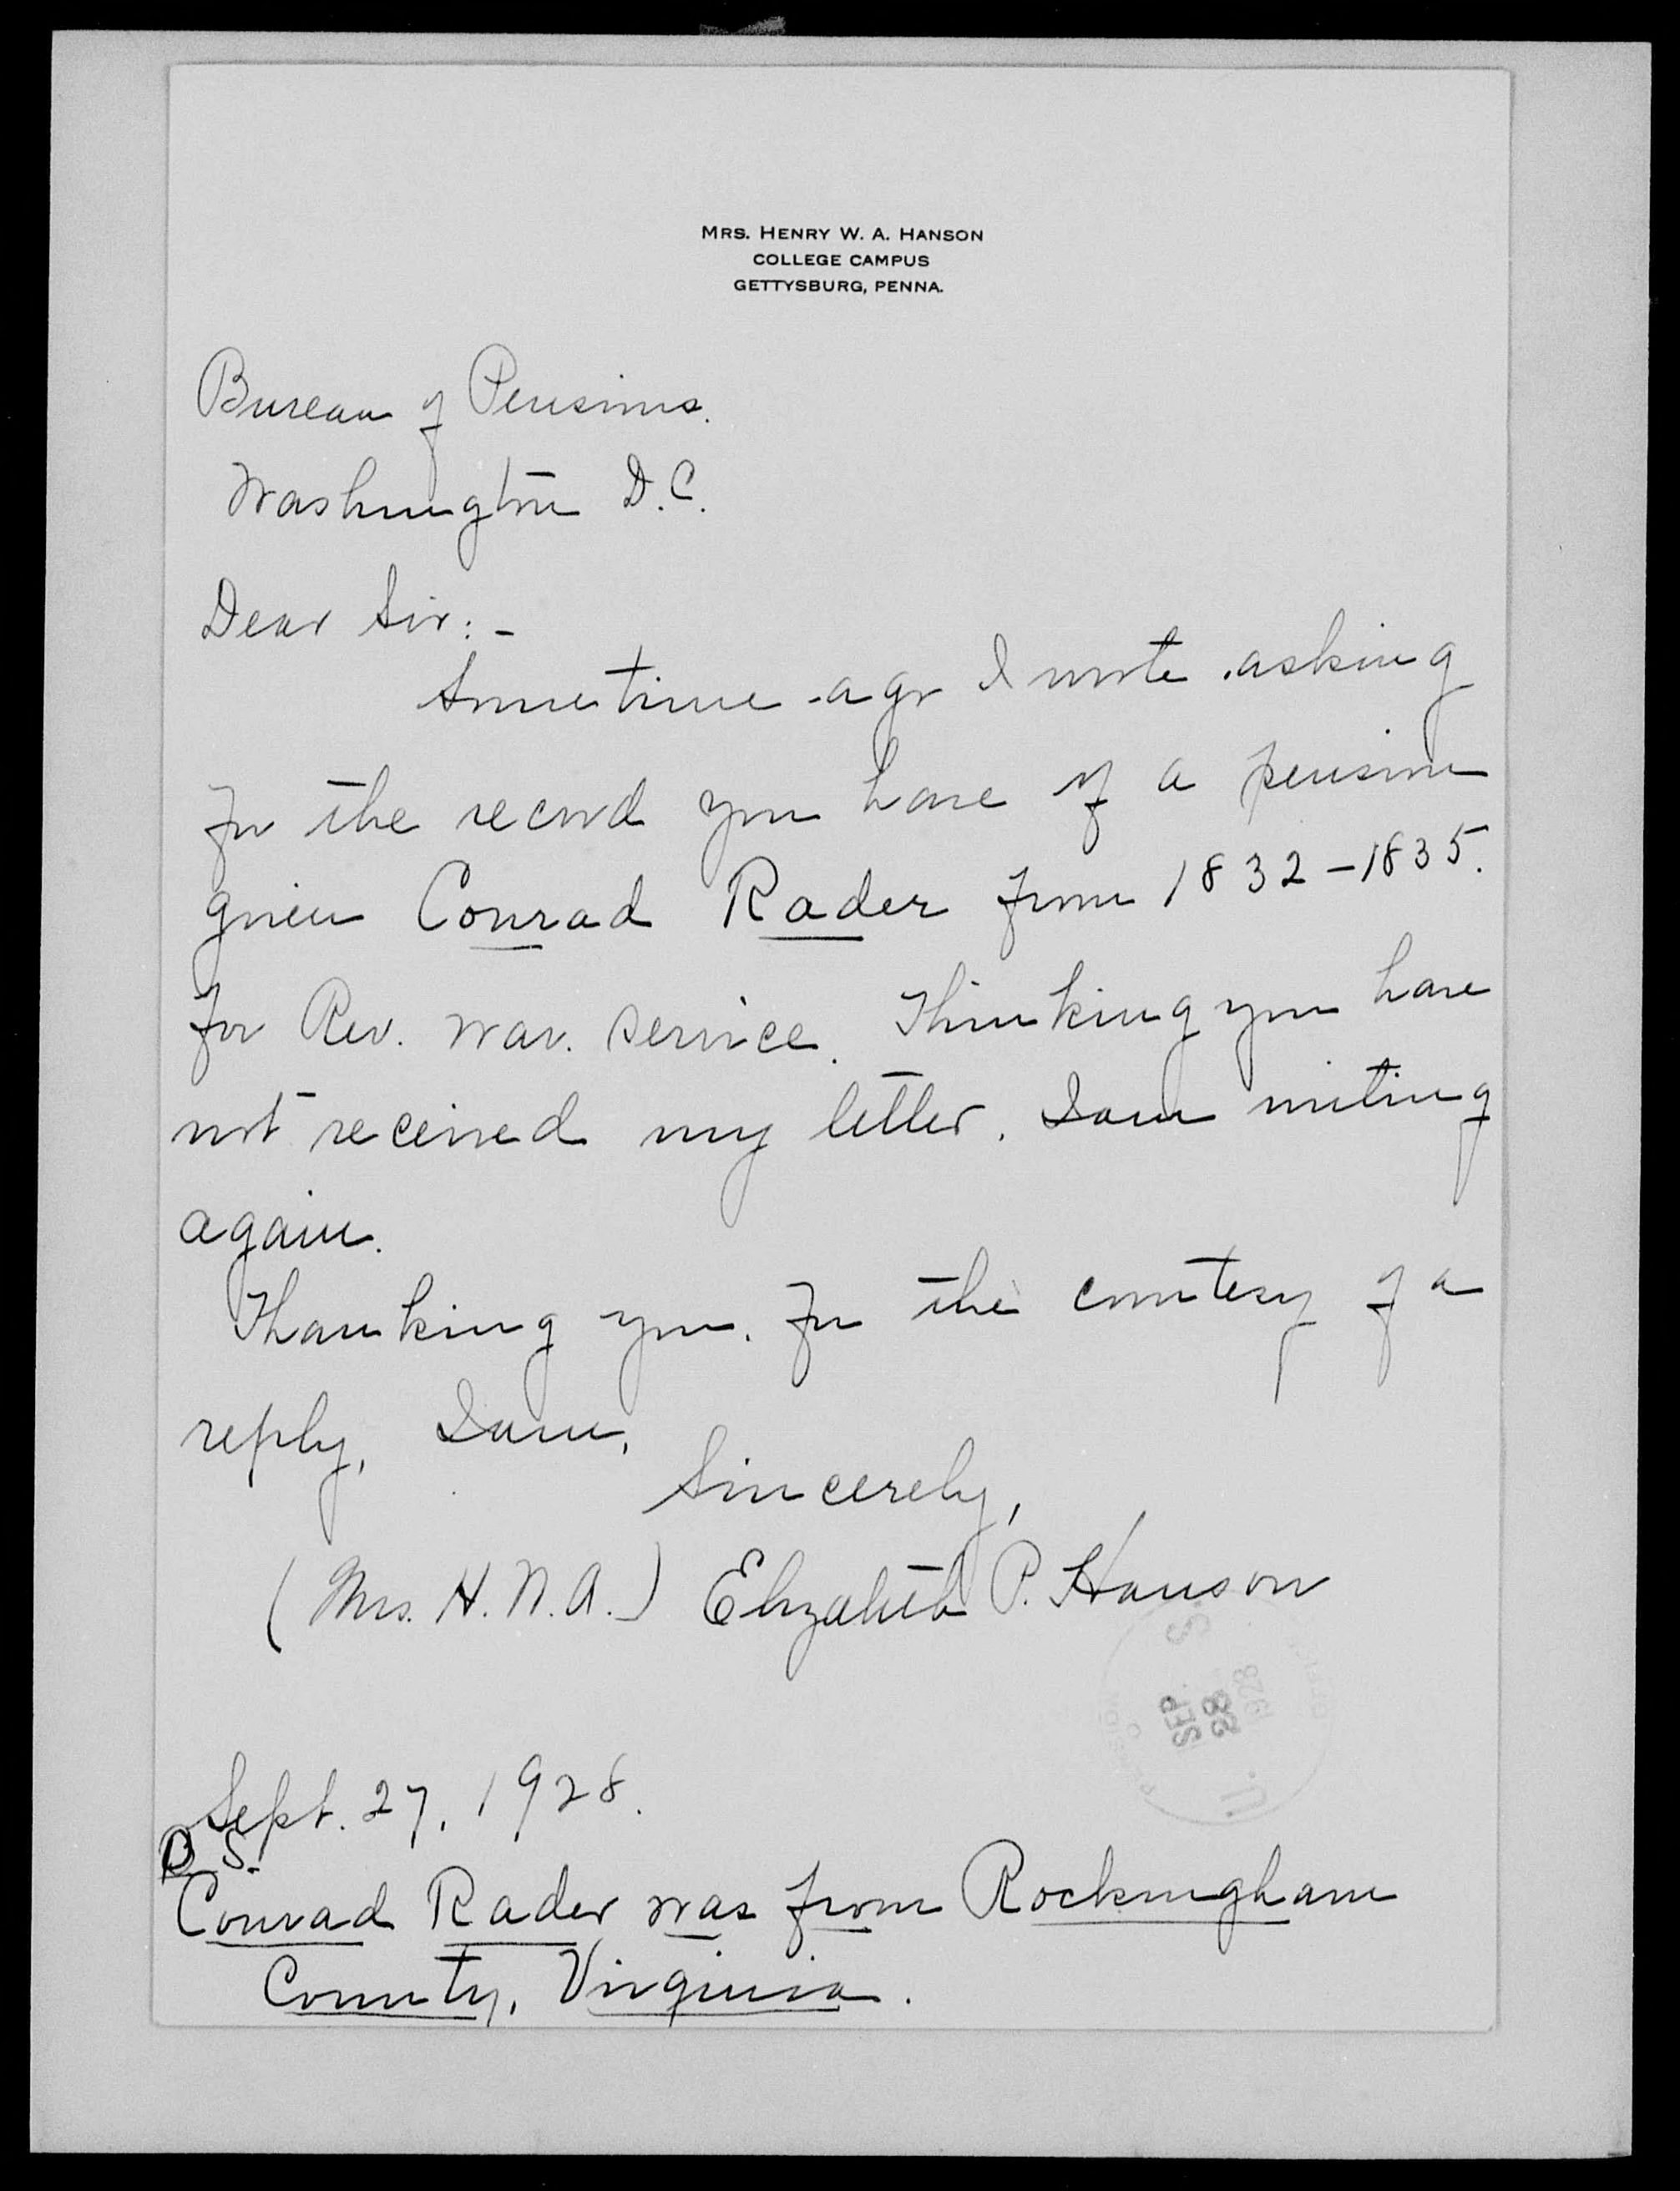MRS. HENRY W. A. HANSON
COLLEGE CAMPUS
GETTYSBURG, PENNA.
Bureau of Pensions
Washington D.C.
Dear Sir:
Some time ago I wrote asking for the record you have of a pension given Conrad Rader from 1832-1835 for Rev. War service. Thinking you have not received my letter, I am writing again.
Thanking you for the courtesy of a reply,
I am.
Sincerely,
(Mrs. H. N. A.) Elizabeth P. Hanson
Sept. 27, 1928.
PS! Conrad Rader was from Rockingham County, Virginia.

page: 5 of 7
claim: survivor's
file: S 5973, for Conrad Rader, Virginia